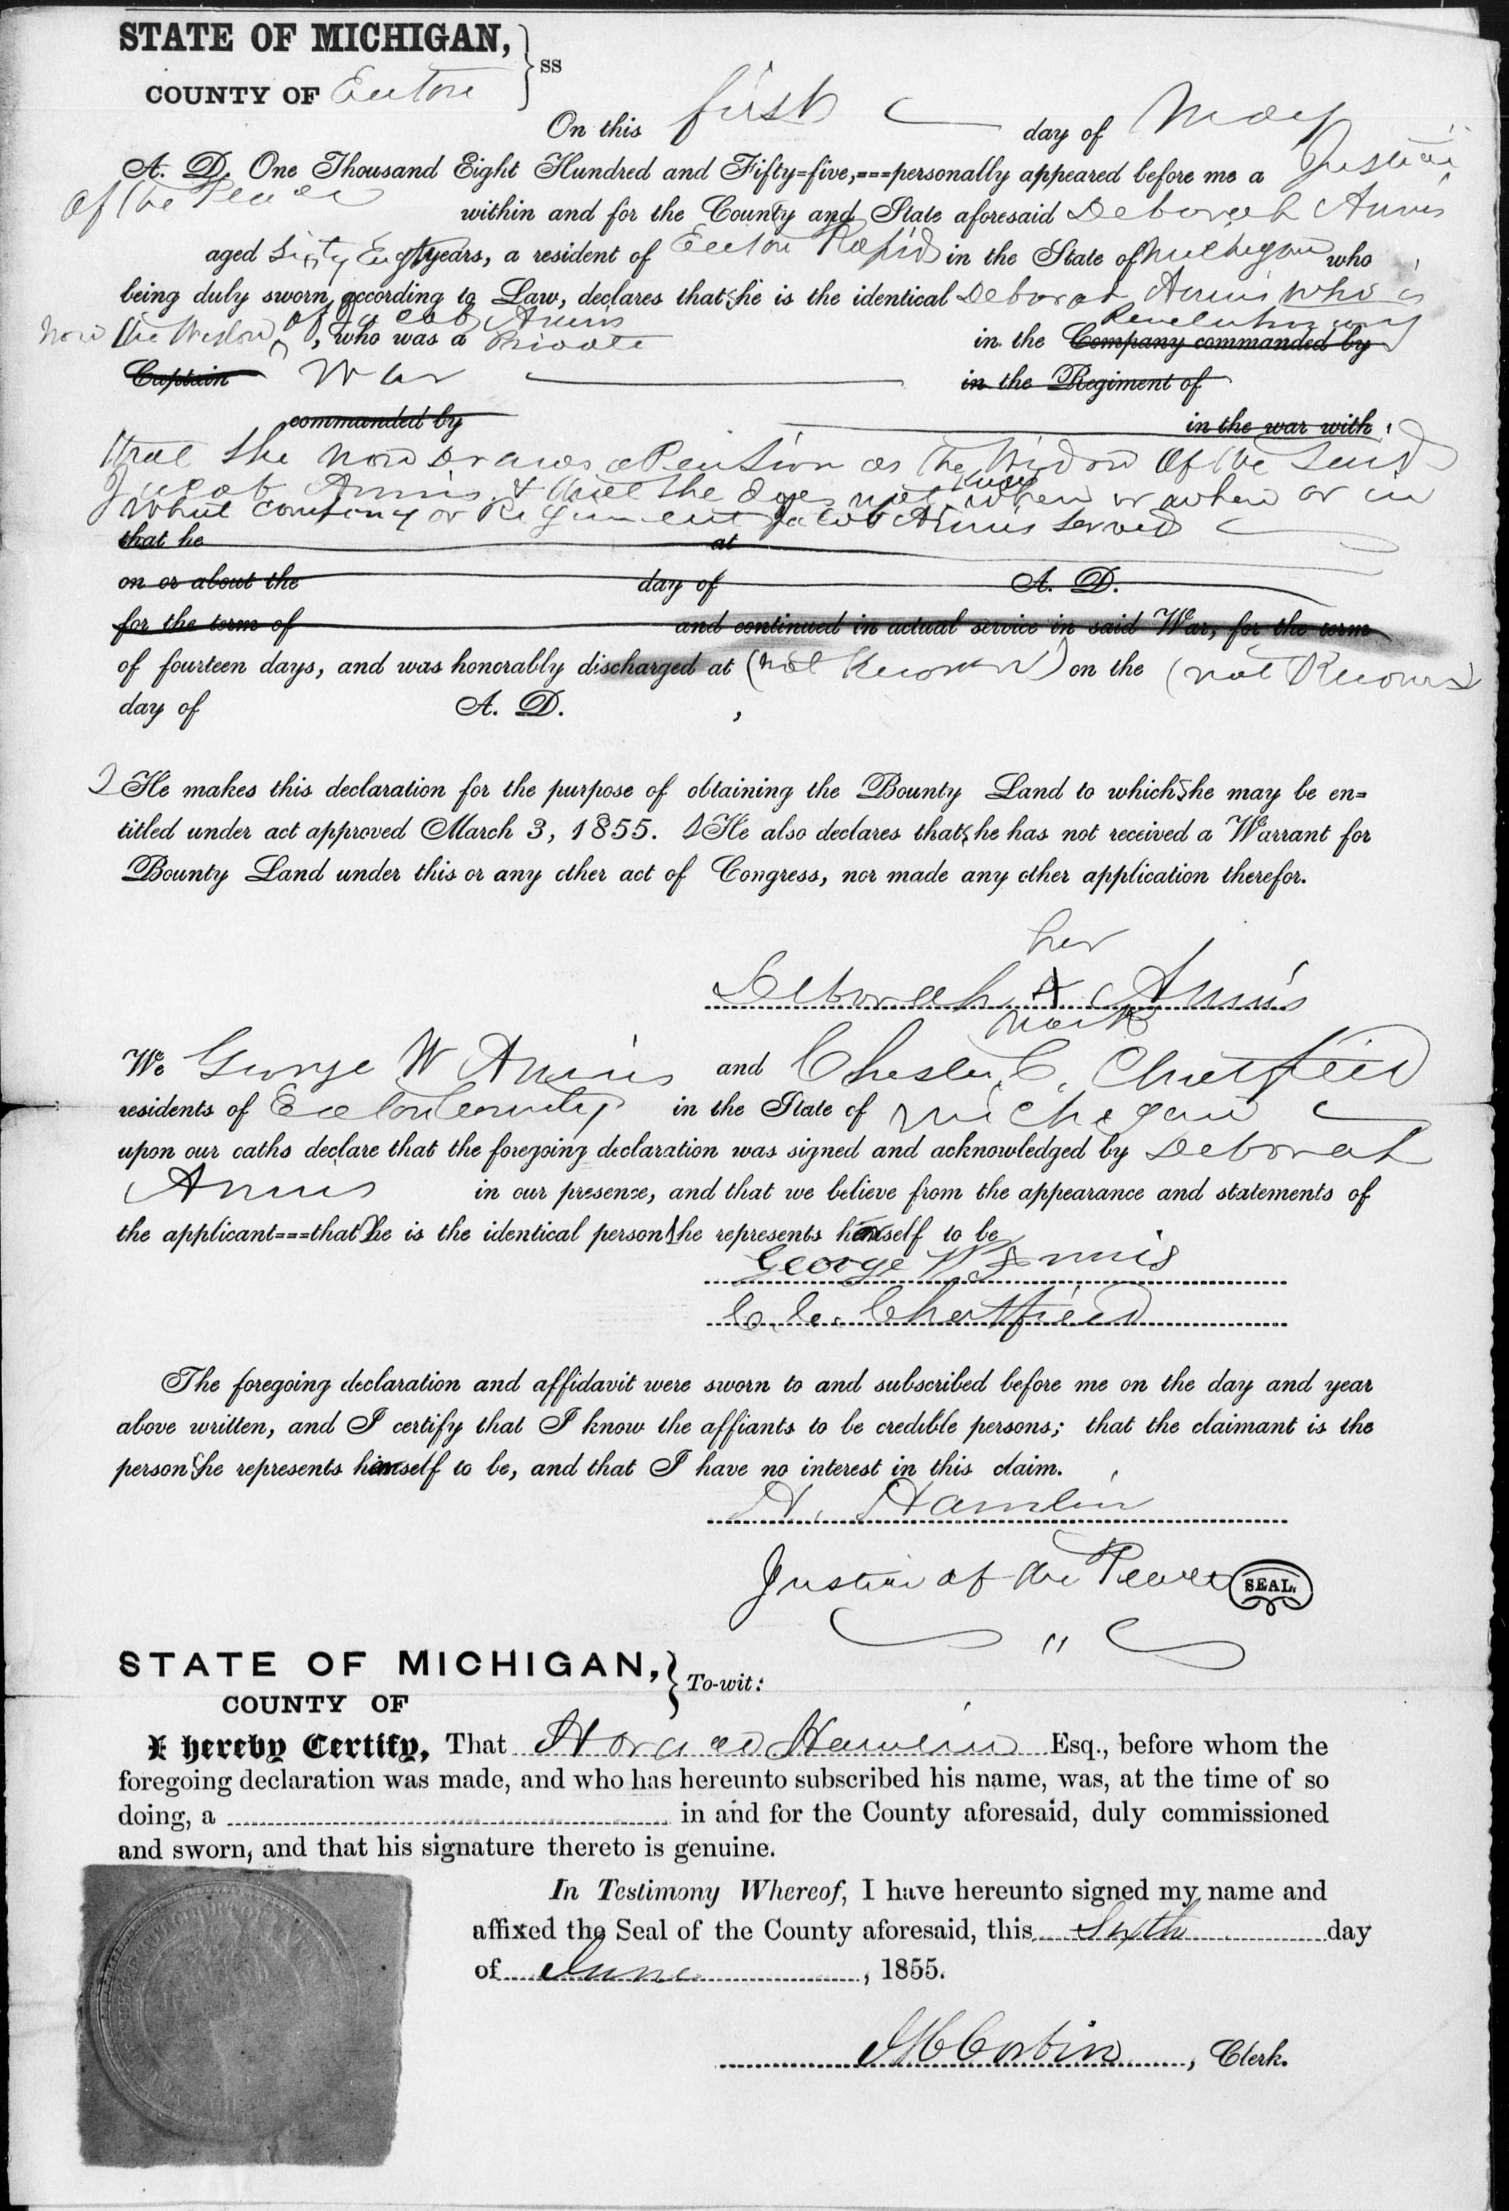STATE OF MICHIGAN,
COUNTY OF Eaton SS.
On this first day of May
A.D one thousand eight hundred and fifty five, personally appeared before me a
Justice of the Peace within and for the County and State aforesaid Deborah Annis
aged sixty eight years, a resident of Eaton Rapids in the State of Michigan who
being duly sworn according to Law, declares that she is the identical Deborah Annis who is
now the widow of Jacob Annis, who was a Private in the Revolutionary war --------------------------------entire line crossed out---------------------------------------------
that she now draws a Pension as the widow of the said
Jacob Annis & that she does not know when or where or in

-----------------next 3 lines crossed out---------------------------------

of fourteen days, and was honorably discharged at (not known) on the (not known)
day of ------------A.D.-------------------

She makes this declaration for the purpose of obtaining the Bounty Land to which she may be
entitled under cat approved March 3, 1855.  She also declares that she has not received a Warrant for Bounty Land under this or any other act of Congress, nor made any other application therefor.
( the mark of Devorah Annis)

We George W. Annis and Chester C . Chatfield
residents of Eaton County in the State of Michigan
upon our oaths declare that the foregoing declaration was signed and acknowledged by Deborah
Annis in our presence, and that we believe from the appearance and statements of
the applicant===that she is the identical person she represents herself to be
(signature of George W.. Annus)
(signature of C.C. Chatfield)

The foregoing declaration and affidavit were sworn to and subscribed before me on the day and year above written, and I certify that I know the affiants to be credible persons; the the claimant
is the person she represents herself to be, and that I have no interest in this claim.
(signature of H. Hamlin)
Justice of the Peace

STATE OF MICHIGAN
COUNTY OF _____________    To wit:
I hereby certify, That Horacio Hamlin Esq. before whom the
foregoing declaration was made, and who has hereunto subscribed his name, was, at the time of so
doing, a ______________________________in and for the County aforesaid, duly commissioned
and sworn, and that his signature thereto is genuine.
In Testimony Whereof, I have hereunto signed my names and
affixed the Seal of the County aforesaid, this sixth day
of June, 1855.
J H Corbin, Clerk.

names: Deborah Annis, C C Chatfield, George W Annis, George W Annis, Horace Hamlin, Chesler C Chatfild, Jacob Annis, H Hamlin, Deborah Annis, Deborah Annis, J H Corbin, Jacob Annis, Deborah Annis, Jacob Annis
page: 4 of 9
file: B.L.Reg 168819-1855, Jacob Annis, [BLANK]